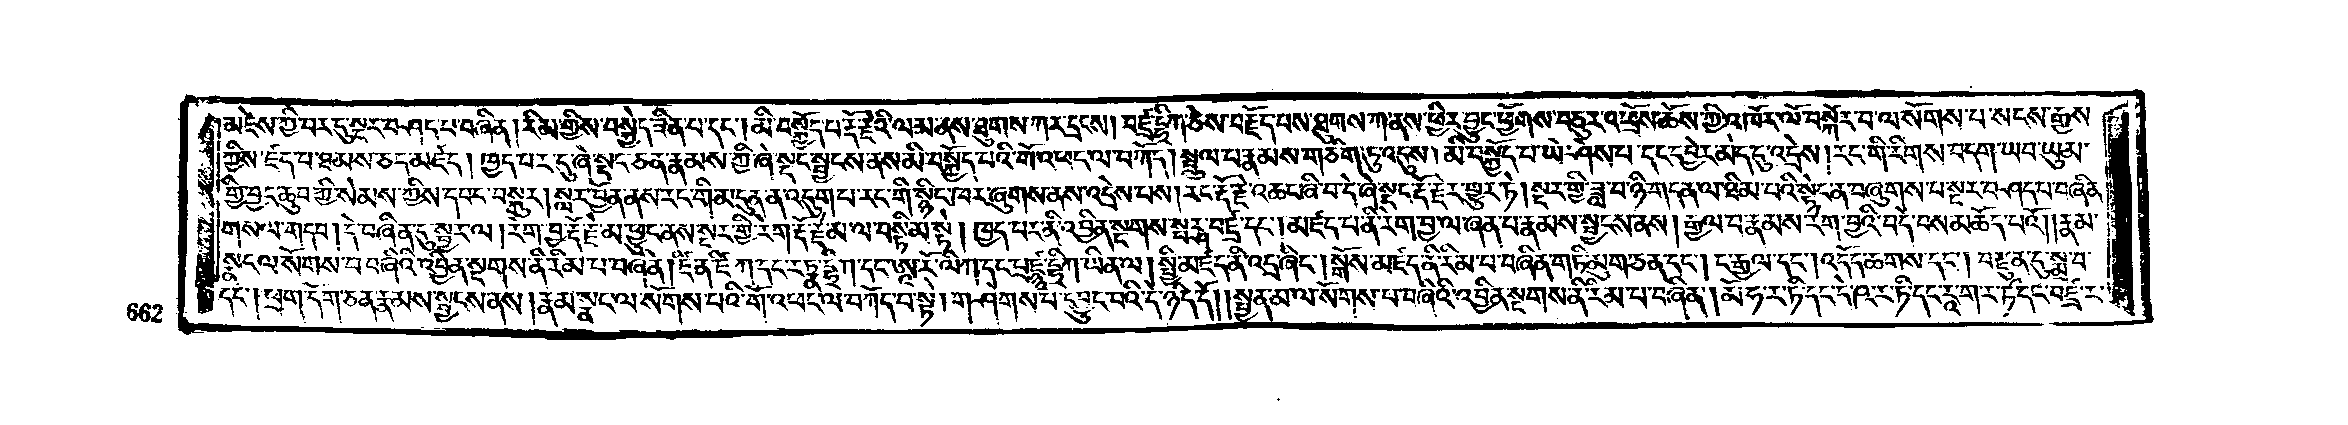མཛེས་ཀྱི་བར་དུ་སྔར་བཤད་པ་བཞིན། རིམ་གྱིས་བསྐྱེད་ཟིན་པ་དང་། མི་བསྐྱོད་པ་རྡོ་རྗེའི་ལམ་ནས་ཐུགས་ཀར་དྲངས། བཛྲ་དྷྲིཀ་ཅེས་བརྗོད་པས་ཐུགས་ཀ་ནས་ཕྱིར་བྱུང་ཕྱོགས་བཅུར་འཕྲོས་ཆོས་ཀྱི་འཁོར་ལོ་བསྐོར་བ་ལ་སོགས་པ་སངས་རྒྱས་
ཀྱིས་ཛད་པ་ཐམས་ཅད་མཛད། ཁྱད་པར་དུ་ཞེ་སྡང་ཅན་རྣམས་ཀྱི་ཞེ་སྡང་སྦྱངས་ནས་མི་བསྐྱོད་པའི་གོ་འཕང་ལ་བཀོད། སྤྲུལ་པ་རྣམས་གཅིག་ཏུ་འདུས། མི་བསྐྱོད་པ་ཡེ་ཤེས་པ་དང་དབྱེར་མེད་དུ་འདྲེས། རང་གི་རིགས་བདག་ཡབ་ཡུམ་
གྱི་བྱང་ཆུབ་ཀྱི་སེམས་ཀྱིས་དབང་བསྐུར། སླར་བྱོན་ནས་རང་གི་མདུན་ན་འདུག་པ་རང་གི་སྙིང་ཁར་ཞུགས་ནས་འདྲེས་པས། རང་རྡོ་རྗེ་འཆང་ཞི་བ་དེ་ཞེ་སྡང་རྡོ་རྗེར་གྱུར་ཏེ། སྔར་གྱི་ཟླ་བ་ཉི་གདན་ལ་ཐིམ་པའི་སྟེང་ན་བཞུགས་པ་སྔར་བཤད་པ་བཞིན་
གསལ་གདབ། དེ་བཞིན་དུ་སྦྱར་ལ། རེག་བྱ་རྡོ་རྗེ་མ་ཕྱུང་ནས་སྔར་གྱི་རེག་རྡོ་རྗེ་མ་ལ་བསྟིམ་སྟེ། ཁྱད་པར་ནི་འབྱིན་སྔགས་སྤར་ཤ་བཛྲ་དང་། མཛད་པ་ནི་རེག་བྱ་ལ་ཞན་པ་རྣམས་སྦྱངས་ནས། རྒྱལ་བ་རྣམས་རེག་བྱའི་བདེ་བས་མཆོད་པའོ། །རྣམ་
སྣང་ལ་སོགས་པ་བཞིའི་འབྱིན་སྔགས་ནི་རིམ་པ་བཞིན། ཛི་ན་ཛི་ཀ་དང་རཏྣ་དྷྲིཀ་དང་ཨཱ་རོ་ལིཀ་དང་པྲཛྙཱ་དྷྲིཀ་ཡིན་ལ། སྤྱི་མཛད་ནི་འདྲ་ཞིང་། སྒོས་མཛད་ནི་རིམ་པ་བཞིན་གཏི་མུག་ཅན་དང་། ང་རྒྱལ་དང་། འདོད་ཆགས་དང་། བརྫུན་དུ་སྨྲ་བ་
དང་། ཕྲག་དོག་ཅན་རྣམས་སྦྱངས་ནས། རྣམ་སྣང་ལ་སོགས་པའི་གོ་འཕང་ལ་བཀོད་པ་སྟེ། གཤེགས་པ་དབྱུང་བའི་དེ་ཉིད་དོ། །སྤྱན་མ་ལ་སོགས་པ་བཞིའི་འབྱིན་སྔགས་ནི་རིམ་པ་བཞིན། མོ་ཧ་ར་ཏི་དང་དེ་ཥ་ར་ཏི་དང་རཱ་ག་ར་ཏི་དང་བཛྲ་ར་